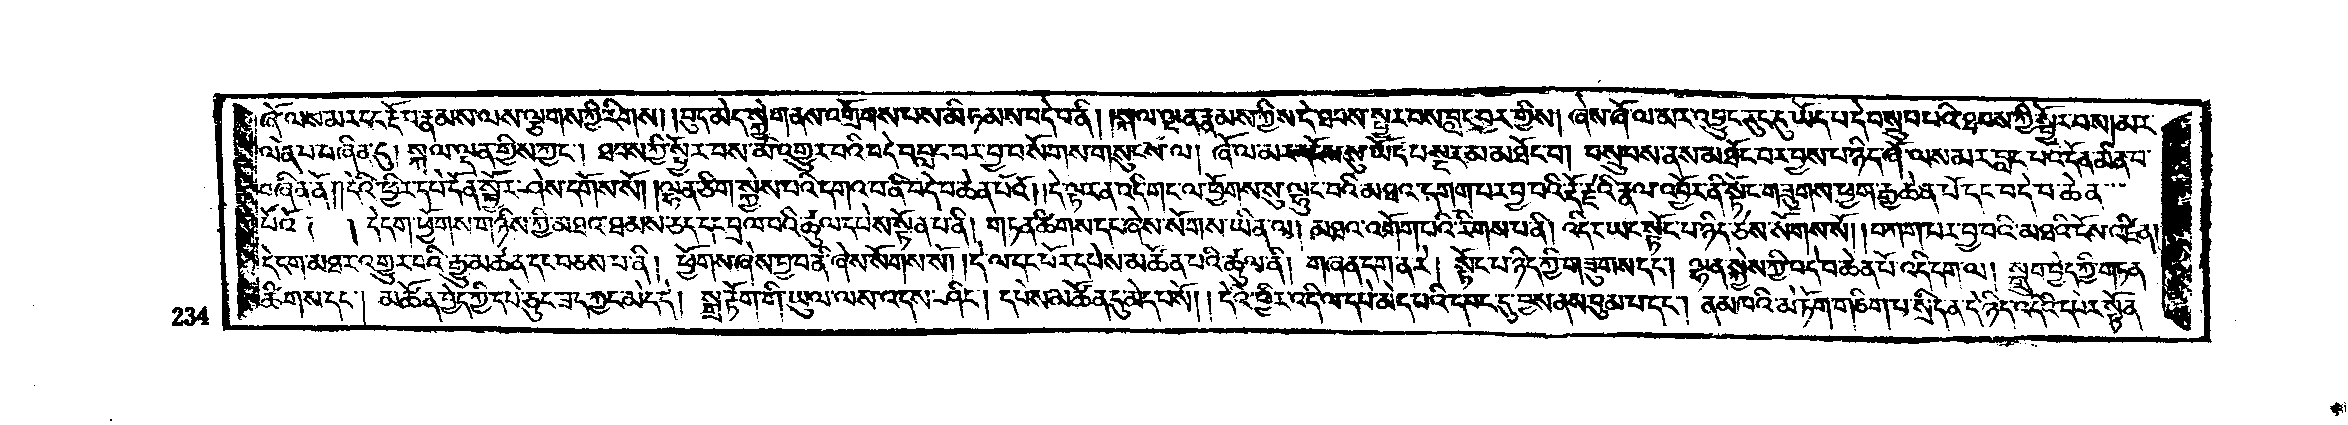ཞོ་ལས་མར་དང་རྡོ་བ་རྣམས་ལས་ལྕགས་ཀྱི་རིགས། །བུད་མེད་སྐྱེ་གནས་འགྲོགས་པས་མི་ཉམས་བདེ་བ་ནི། །སྐལ་ལྡན་རྣམས་ཀྱིས་དེ་ཐབས་སྦྱར་བས་བླང་བར་གྱིས། ཞེས་ཞོ་ལ་མར་འབྱུང་རུང་དུ་ཡོད་པ་དེ་བསྲུབ་པའི་ཐབས་ཀྱི་སྦྱོར་བས། མར་
ལེན་པ་བཞིན་དུ། སྐལ་ལྡན་གྱིས་ཀྱང་།ཐབས་ཀྱི་སྦྱོར་བས་མི་འགྱུར་བའི་བདེ་བ་བླང་བར་བྱ་བ་སོགས་གསུངས་ལ། ཞོ་ལ་མར་དངོས་སུ་ཡོད་པ་སྔར་མ་མཐོང་བ། བསྲུབས་ནས་མཐོང་བར་བྱས་པ་ཉིད་ཞོ་ལས་མར་བླང་པའི་དོན་མིན་པ་
བཞིན་ནོ། །དེའི་ཕྱིར་དཔེ་དོན་སྦྱོར་ཤེས་དགོས་སོ། །ལྷན་ཅིག་སྐྱེས་པའི་དགའ་བ་ནི་བདེ་བ་ཆེན་པོའོ། །དེ་ལྟར་ན་འདི་གང་ལ་ཕྱོགས་སུ་ལྷུང་བའི་མཐའ་དགག་པར་བྱ་བའི་རྡོ་རྗེའི་རྣལ་འབྱོར་ནི་སྟོང་གཟུགས་ཕྱག་རྒྱ་ཆེན་པོ་དང་བདེ་བ་ཆེན་
པོའོ། །དེ་དག་ཕྱོགས་གཉིས་ཀྱི་མཐའ་ཐམས་ཅད་དང་བྲལ་བའི་ཚུལ་དཔེས་སྟོན་པ་ནི། གཏན་ཚིགས་དང་ཞེས་སོགས་ཡིན་ལ། མཐའ་འགོག་པའི་རིགས་པ་ནི། འདིར་ཡང་སྟོང་པ་ཉིད་ཅེས་སོགས་སོ། །བཀག་པར་བྱ་བའི་མཐའི་ངོས་འཛིན།
དེ་དག་མཐར་འགྱུར་བའི་རྒྱུ་མཚན་དང་བཅས་པ་ནི། ཕྱོགས་ཞེས་བྱ་བ་ནི་ཞེས་སོགས་སོ། །དེ་ལ་དང་པོར་དཔེས་མཚན་པའི་ཚུལ་ནི། གཞན་དག་ན་རེ། སྟོང་པ་ཉིད་ཀྱི་གཟུགས་དང་།ལྷན་སྐྱེས་ཀྱི་བདེ་བ་ཆེན་པོ་འདི་དག་ལ། སྒྲུབ་བྱེད་ཀྱི་གཏན་
ཚིགས་དང་།མཚོན་བྱེད་ཀྱི་དཔེ་ཅུང་ཟད་ཀྱང་མེད་དེ། སྒྲ་རྟོག་གི་ཡུལ་ལས་འདས་ཤིང་། དཔེས་མཚོན་དུ་མེད་པས་སོ། །དེའི་ཕྱིར་འདི་ལ་དཔེ་མེད་པའི་དབང་དུ་བྱས་ནས་བུམ་པ་དང་།ནམ་མཁའི་མེ་ཏོག་གཅིག་པ་སྲིད་ན་དེ་ཉིད་འདིའི་དཔེར་སྟོན་